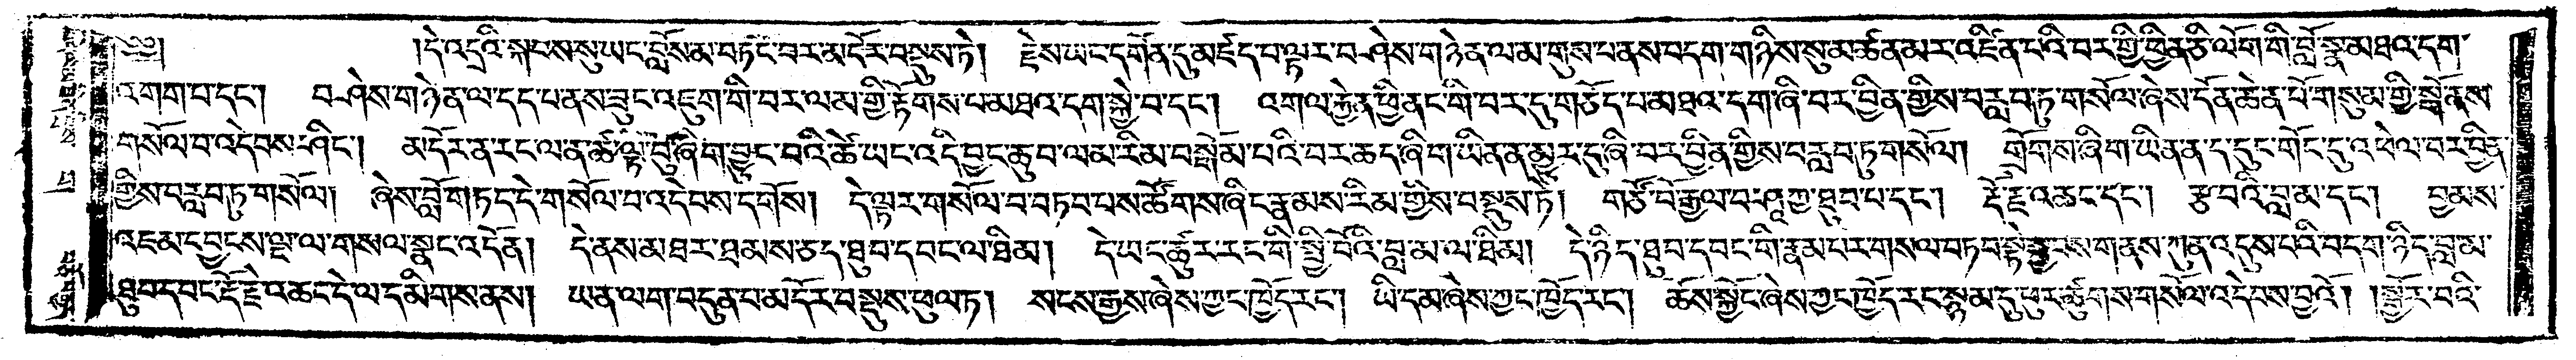༄༅། །དེ་འདྲའི་སྐབས་སུ་ཡང་བློ་སམ་བཏང་བར་མདོར་བསྡུས་ཏེ། རྗེས་ཡང་དགོན་དུ་མཛད་པ་ལྟར་བཤེས་གཉེན་ལ་མ་གུས་པ་ནས་བདག་གཉིས་སུ་མཚན་མར་འཛིན་པའི་བར་གྱི་ཕྱིན་ཅི་ལོག་གི་བློ་སྣ་མཐའ་དག་
འགག་པ་དང་། བཤེས་གཉེན་ལ་དད་པ་ནས་ཟུང་འཇུག་གི་བར་ལམ་གྱི་རྟོགས་པ་མཐའ་དག་སྐྱེ་བ་དང་། འགལ་རྐྱེན་ཕྱི་ནང་གི་བར་དུ་གཅོད་པ་མཐའ་དག་ཞི་བར་བྱིན་གྱིས་བརླབ་དུ་གསོལ་ཞེས་དོན་ཆེན་པོ་གསུམ་གྱི་སྒོ་ནས་
གསོལ་བ་འདེབས་ཤིང་། མདོར་ན་རང་ལ་ན་ཚ་ལྟ་བུ་ཞིག་བྱུང་བའི་ཚེ་ཡང་འདི་བྱང་ཆུབ་ལམ་རིམ་བསྒོམ་པའི་བར་ཆད་ཞིག་ཡིན་ན་མྱུར་དུ་ཞི་བར་བྱིན་གྱིས་བརླབ་ཏུ་གསོལ། གྲོགས་ཞིག་ཡིན་ན་ད་དུང་གོང་དུ་འཕེལ་བར་བྱིན་
གྱིས་བརླབ་ཏུ་གསོལ། ཞེས་བློ་གཏད་དེ་གསོལ་བ་འདེབས་དགོས། དེ་ལྟར་གསོལ་བ་བཏབ་པས་ཚོགས་ཞིང་རྣམས་རིམ་གྱིས་བསྡུས་ཏེ། གཙོ་བོ་རྒྱལ་བ་ཤཱཀྱ་ཐུབ་པ་དང་། རྡོ་རྗེ་འཆང་དང་། རྩ་བའི་བླ་མ་དང་། བྱམས་
འཇམ་དབྱངས་ལྔ་ལ་གསལ་སྣང་འདོན། དེ་ནས་མཐར་ཐམས་ཅད་ཐུབ་དབང་ལ་ཐིམ། དེ་ཡང་ཚུར་རང་གི་སྤྱི་བོའི་བླ་མ་ལ་ཐིམ། དེ་ཉིད་ཐུབ་དབང་གི་རྣམ་པར་གསལ་བཏབ་སྟེ་སྐྱབས་གནས་ཀུན་འདུས་པའི་བདག་ཉིད་བླ་མ་
ཐུབ་དབང་རྡོ་རྗེ་འཆང་དེ་ལ་དམིགས་ནས། ཡན་ལག་བདུན་པ་མདོར་བསྡུས་ཕུལ་ཏ། སངས་རྒྱས་ཞེས་ཀྱང་ཁྱོད་རང་། ཡི་དམ་ཞེས་ཀྱང་ཁྱོད་དང་། ཆོས་སྐྱོང་ཞེས་ཀྱང་ཁྱོད་རང་སྙམ་དུ་ཕུར་ཚུགས་གསོལ་འདེབས་བྱའོ། །སྦྱོར་བའི་